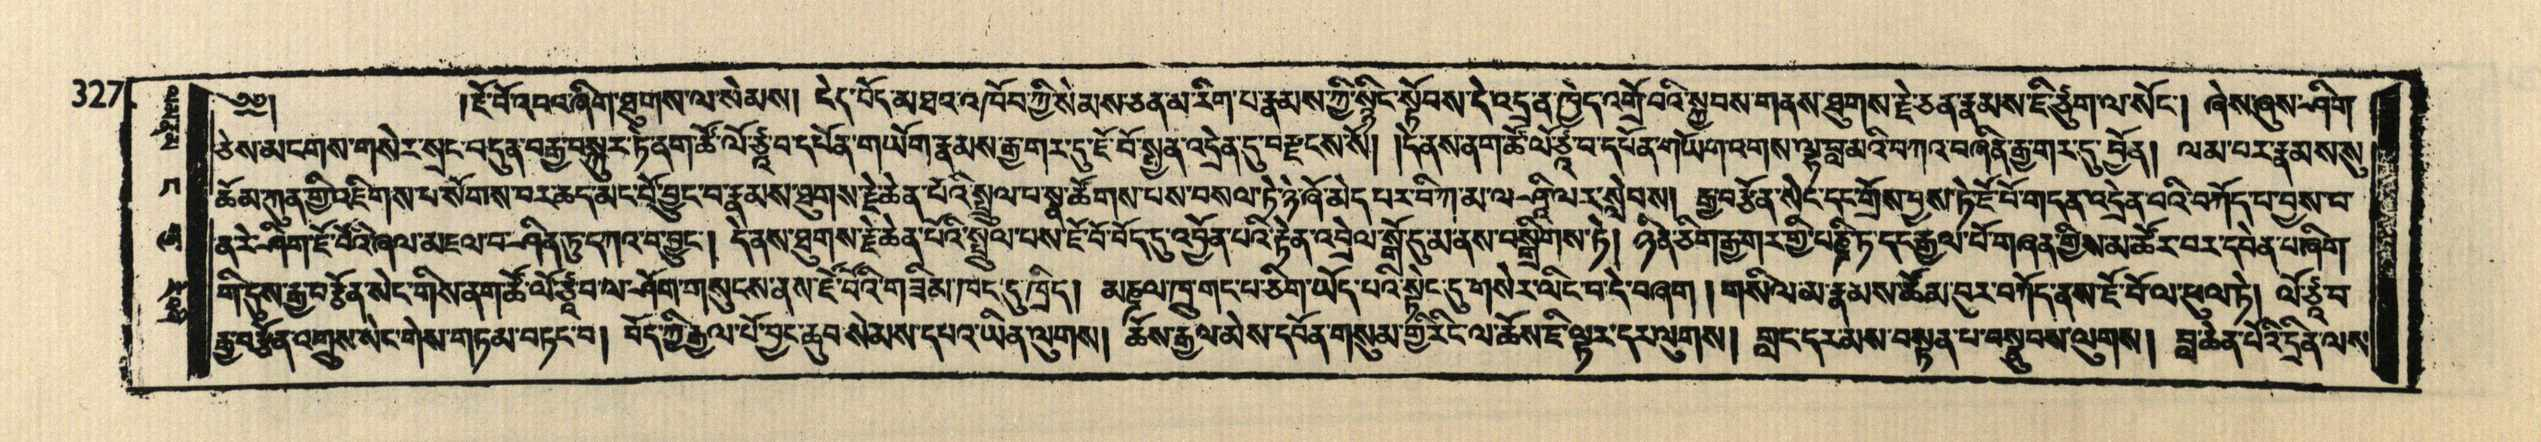༄༅། །ཇོ་བོ་འབའ་ཞིག་ཐུགས་ལ་སེམས། ངེད་བོད་མཐའ་འཁོབ་ཀྱི་སེམས་ཅན་མ་རིག་པ་རྣམས་ཀྱི་སྙིང་སྟོབས་དེ་འདྲ་ན་ཁྱེད་འགྲོ་བའི་སྐྱབས་གནས་ཐུགས་རྗེ་ཅན་རྣམས་ཇི་ཙུག་ལ་སོང་། ཞེས་ཞུས་ཤིག་
ཅེས་མངགས་གསེར་སྲང་བདུན་བརྒྱ་བསྐུར་ཏེ་ནག་ཚོ་ལོ་ཙཱ་བ་དཔོན་གཡོག་རྣམས་རྒྱ་གར་དུ་ཇོ་བོ་སྤྱན་འདྲེན་དུ་བརྫངས་སོ། །དེ་ནས་ནག་ཚོ་ལོ་ཙཱ་བ་དཔོན་གཡོག་འགས་ལྷ་བླ་མའི་བཀའ་བཞིན་རྒྱ་གར་དུ་བྱོན། ལམ་པར་རྣམས་སུ་
ཆོམ་ཀུན་གྱི་འཇིགས་པ་སོགས་བར་ཆད་མང་བོ་བྱུང་བ་རྣམས་ཐུགས་རྗེ་ཆེན་པོའི་སྤྲུལ་བ་སྣ་ཚོགས་པས་བསལ་ཏེ་ཉེ་ཞོ་མེད་པར་བི་ཀ་མ་ལ་ཤཱི་ལར་སླེབས། རྒྱ་བརྩོན་སེང་དང་གྲོས་བྱས་ཏེ་ཇོ་པོ་གདན་འདྲེན་པའི་བཀོད་པ་བྱས་པ་
ན་རེ་ཤིག་ཇོ་བོའི་ཞལ་མཇལ་བ་ཤིན་ཏུ་དཀའ་བ་བྱུང་། དེ་ནས་ཐུགས་རྗེ་ཆེན་པོའི་སྤྲུལ་པས་ཇོ་བོ་བོད་དུ་འབྱོན་པའི་རྟེན་འབྲེལ་སྒོ་དུ་མ་ནས་བསྒྲིགས་ཏེ། ཉིན་ཅིག་རྒྱ་གར་གྱི་པཎྜི་ཏ་དང་རྒྱལ་པོ་གཞན་གྱིས་མཚོར་བར་དབེན་པ་ཞིག་
གི་དུས་རྒྱ་བརྩོན་སེང་གིས་ནག་ཚོ་ལོ་ཙཱ་བ་ལ་ཤོག་གསུངས་ནས་ཇོ་བོའི་གཟིམ་ཁང་དུ་ཁྲིད། མཎྜལ་ཁྲུ་གང་པ་ཅིག་ཡོད་པའི་སྟེང་དུ་གསེར་ལིང་བ་དེ་བཞག། གསིལ་མ་རྣམས་ཚོམ་བུར་བཀོད་ནས་ཇོ་བོ་ལ་ཕུལ་ཏེ། ལོ་ཙཱ་བ་
རྒྱ་བརྩོན་འགྲུས་སེང་གེས་གཏམ་བཏང་བ། བོད་ཀྱི་རྒྱལ་པོ་བྱང་ཆུབ་སེམས་དཔའ་ཡིན་ལུགས། ཆོས་རྒྱལ་མེས་དབོན་གསུམ་གྱི་རིང་ལ་ཆོས་ཇི་ལྟར་དར་ལུགས། གླང་དར་མས་བསྟན་པ་བསྣུབས་ལུགས། བླ་ཆེན་པོའི་དྲིན་ལས་